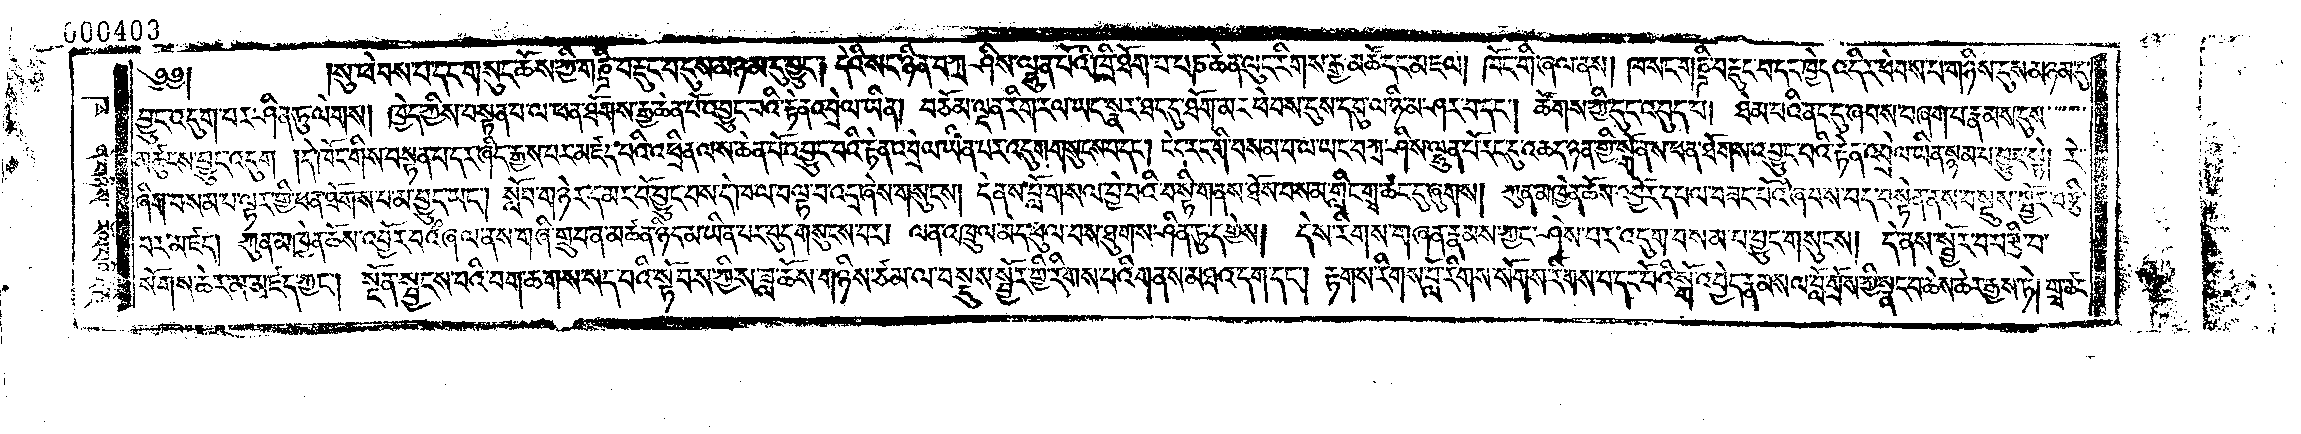༄༅། །སུ་ཕེབས་པ་དང་གསུང་ཆོས་ཀྱི་གཎྜི་བརྡུང་བ་དུས་མཉམ་དུ་བྱུང༑ དེའི་སང་ཉིན་བཀྲ་ཤིས་ལྷུན་པོའི་ཁྲི་ཐོག་པ་པཎ་ཆེན་ལུང་རིགས་རྒྱ་མཚོ་དང་མཇལ། ཁོང་གི་ཞལ་ནས། ཁ་སང་གཎྜི་བརྡུང་བ་དང་ཁྱེད་འདིར་ཕེབས་པ་གཉིས་དུས་མཉམ་དུ་
བྱུང་འདུག་པར་ཤིན་ཏུ་ལེགས། ཁྱེད་ཀྱིས་བསྟན་པ་ལ་ཕན་ཐོགས་རྒྱ་ཆེན་པོ་འབྱུང་བའི་རྟེན་འབྲེལ་ཡིན། བཅོམ་ལྡན་རིག་རལ་ཡང་སྣར་ཐང་དུ་ཐོག་མར་ཕེབས་དུས་དབུ་ལ་ཉི་མ་ཤར་བ་དང་། ཚོགས་ཀྱི་དུང་འབུད་པ། ཐེམ་པའི་ནང་དུ་ཞབས་བཞག་པ་རྣམས་དུས་
མཚུངས་བྱུང་འདུག །དེ་ཁོང་གིས་བསྟན་པ་དར་ཞིང་རྒྱས་པར་མཛད་པའི་འཕྲིན་ལས་ཆེན་པོ་འབྱུང་བའི་རྟེན་འབྲེལ་ཡིན་པར་འདུག་གསུངས་པ་དང་། ངེད་རང་གི་བསམ་པ་ལ་ཡང་བཀྲ་ཤིས་ལྷུན་པོ་རང་དུ་འཆད་ཉན་གྱི་སྒོ་ནས་ཕན་ཐོགས་འབྱུང་བའི་རྟེན་འབྲེལ་ཡིན་སྙམ་པ་བྱུང་སྟེ། རེ་
ཞིག་བསམ་པ་ལྟར་གྱི་ཕན་ཐོགས་པ་མ་བྱུང་ཡང་། སློབ་གཉེར་དམར་པོ་བྱུང་བས་དེ་ཁ་ལ་བལྟ་བ་འདྲ་ཞེས་གསུངས། དེ་ནས་བློ་གསལ་བྱེ་བའི་བསྟི་གནས་ཐོས་བསམ་གླིང་གྲྭ་ཚང་དུ་ཞུགས། ཀུན་མཁྱེན་ཆོས་འབྱོར་དཔལ་བཟང་པོའི་ཞབས་བད་བསྟེན་ནས་བསྡུས་སྦྱོར་བརྩི་
བར་མཛད། ཀུན་མཁྱེན་ཆོས་འབྱོར་བཱྀ་ཞལ་ནས་གཞི་གྲུབ་ན་མཚན་ཉིད་མ་ཡིན་པར་བུད་གསུངས་པར། ལན་འཁྲུལ་མད་ཕུལ་བས་ཐུགས་ཤིན་ཏུ་དགྱེས། དེས་རིགས་གཞན་རྣམས་ཀྱང་ཤེས་པར་བདུག་བསམ་པ་བྱུང་གསུངས། དེ་ནས་སྦྱོར་བ་བརྩི་པ་
སོགས་ཆེར་མ་མཛད་ཀྱང་། སྔོན་སྦྱངས་པའི་བག་ཆགས་སད་བའི་སྟོབས་ཀྱིས་ཟླ་ཆོས་གཉིས་ཙམ་ལ་བསྡུས་སྦྱོར་གྱི་རིགས་པའི་གནས་མཐའ་དག་དང་། རྟགས་རིགས་བློ་རིགས་སོགས་རིགས་པ་དང་པོའི་སྒོ་འབྱེད་རྣམས་ལ་བློ་གྲོས་ཀྱི་སྣང་བ་ཆེས་ཆེར་རྒྱས་ཏེ། གྲྭ་ཚང་